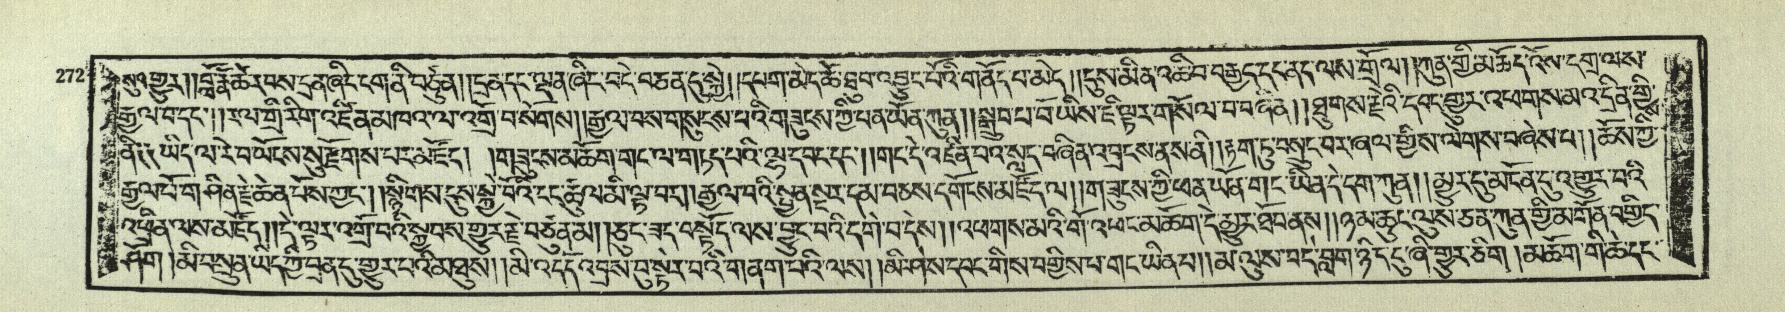སུ་འགྱུར། །བློ་རྣོ་ཚེ་རྦས་དྲན་ཞིང་ངག་ནི་བཙུན། །དྲན་དང་ལྡན་ཞིང་བདེ་བཅན་དུ་སྐྱེ། །དཔག་མེད་ཚེ་ཐུབ་འབྱུང་པོའི་གནོད་པ་མེད། །དུས་མིན་འཆི་བ་བརྒྱད་དང་ནད་ལས་གྲོལ། །ཀུན་གྱི་མཆོད་འོས་དགྲ་ལས་
རྒྱལ་བ་དང་། །རལ་གྲི་རིག་འཛིན་མཁའ་ལ་འགྲོ་བ་སོགས། །རྒྱལ་བས་གསུངས་པའི་གཟུངས་ཀྱི་པན་ཡོན་ཀུན། །སྒྲུབ་པ་པོ་ཡིས་ཇི་ལྟར་གསོལ་བ་བཞིན། །ཐུགས་རྗེའི་དབང་གྱུར་འཕགས་མ་འདྲིན་གྱིས་
ནི༑ ༑ཡིད་ལ་རེ་བ་ཡོངས་སུ་རྫོགས་པར་མཛོད། །གཟུངས་མཆོག་གང་ལ་གཏད་པའི་ལྷ་དབང་དང་། །གང་དེ་འཛིན་པའི་སླད་བཞིན་འབྲངས་ནས་ནི། །རྟག་ཏུ་བསྲུང་བར་ཞལ་གྱིས་ལེགས་བཞེས་པ། །ཆོས་ཀྱི་
རྒྱལ་པོ་གཤིན་རྗེ་ཆེན་པོས་ཀྱང་། །སྙིགས་དུས་སྐྱེ་བོའི་ངང་ཚུལ་མི་ལྟ་བར། །རྒྱལ་བའི་སྤྱན་སྔར་དམ་བཅས་དགོངས་མཛོད་ལ། །གཟུངས་ཀྱི་ཕན་ཡོན་གང་ཡིན་དེ་དག་ཀུན། །མྱུར་དུ་མངོན་དུ་འགྱུར་བའི་
འཕྲིན་ལས་མཛོད། །དེ་ལྟར་འགྲོ་བའི་སྐྱབས་གྱུར་རྗེ་བཙུན་མ། །ཅུང་ཟད་བསྟོད་ལས་བྱུང་བའི་དགེ་བ་དེས། །འཕགས་མའི་གོ་འཕང་མཆོག་དེ་མྱུར་ཐོབ་ནས། །ཉམ་ཆུང་ལུས་ཅན་ཀུན་གྱི་མགོན་བགྱིད་
ཤོག །མི་བསྲུན་ཡིད་ཀྱི་བྲན་དུ་གྱུར་པའི་མཐུས། །མི་འདོད་འབྲས་བུ་སྟེར་བའི་གནག་པའི་ལས། །མི་ཤེས་དབང་གིས་བགྱིས་པ་གང ༩ཡིན་པ། །མ་ལུས་བདེ་བླག་ཉིད་དུ་ཞི་གྱུར་ཅིག། །མཆོག་གི་ཆེ་དང་